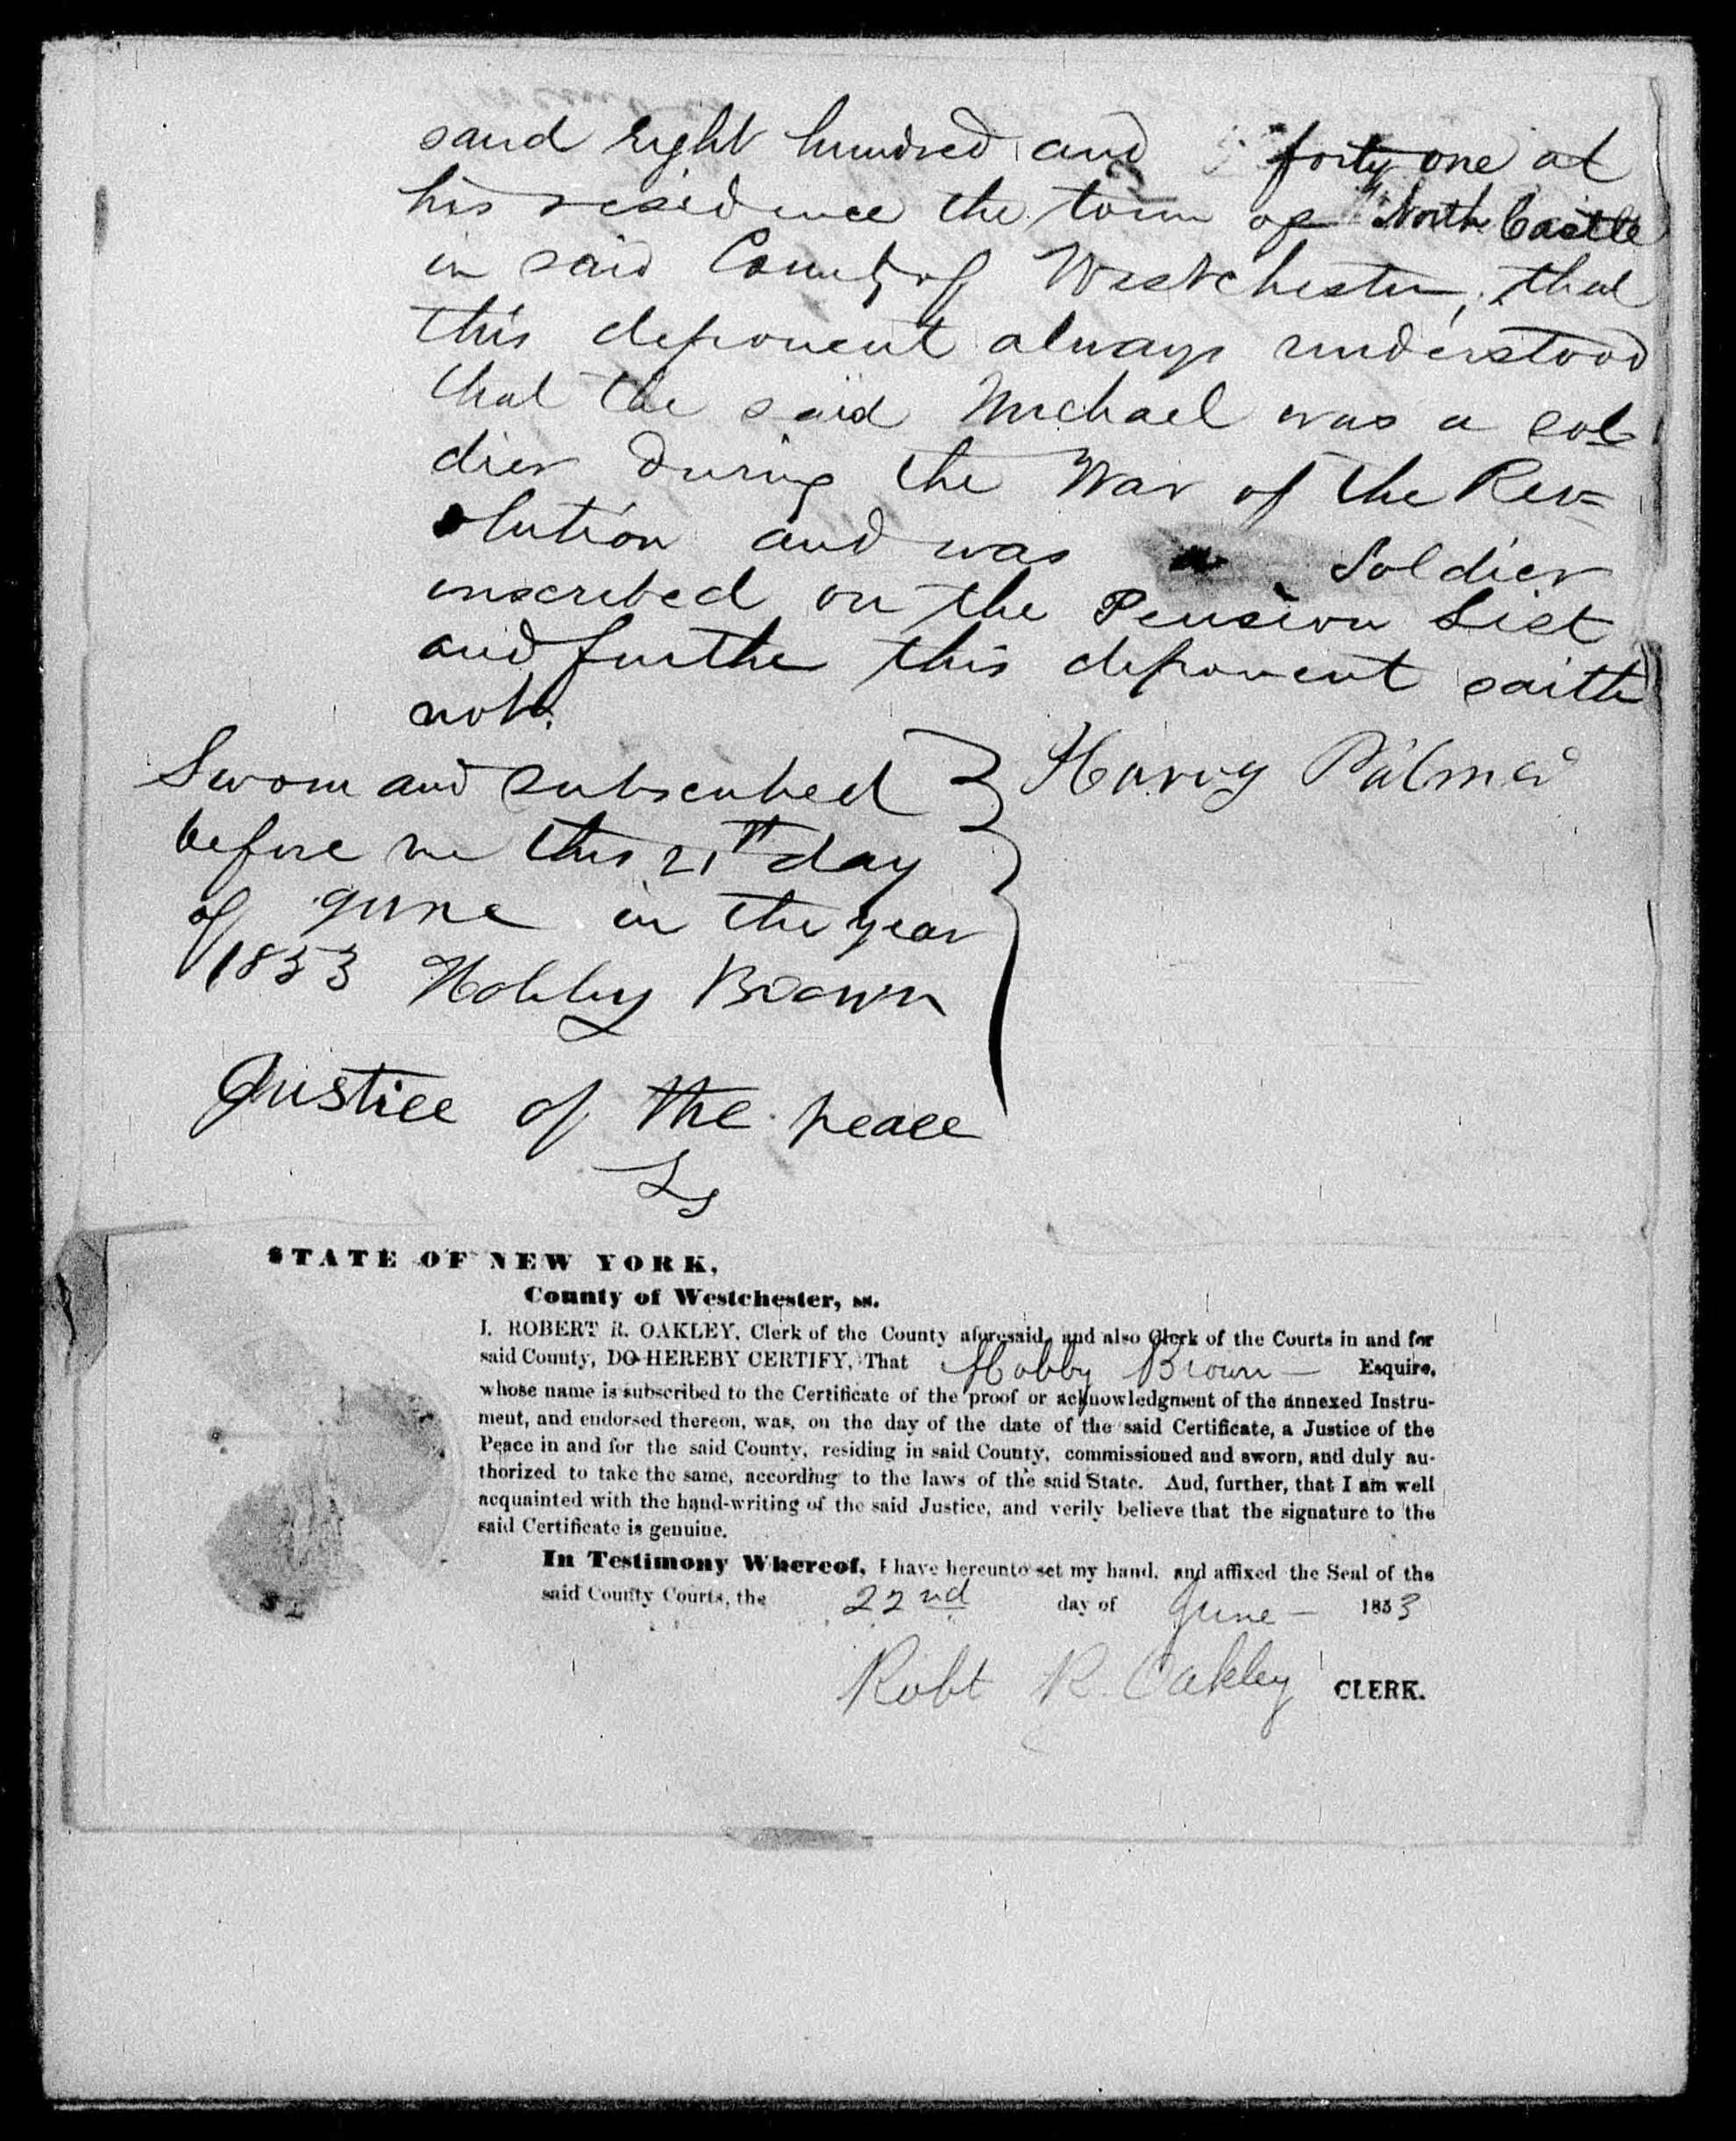sand eight hundred and forty one at his residence the town of North Castle in said County of Westchester, that this deponent always understood that the said Michael was a soldier during the War of the Revolution and was a soldier inscribed on the Pension List and further this deponent saith not. 
Harvey Palmer

Sworn and subscribed before me this 21st day of June in the year 1853 
Hobby Brown
Justice of the Peace
SS

STATE OF NEW YORK 
County of Westchester, SS
 I, Robert R. Oakley, Clerk of the County aforesaid, and also Clerk of the Courts in and for said County, DO HEREBY CERTIFY, That Hobby Brown Esquire, whose name is subscribed to the certificate of the proof or acknowledgement of the annexed Instrument, and enforced thereon, was, on the day of then date of the said Certificate, a Justice of the Peace, in and for said County, residing in said County, elected and sworn, and duly authorized to take the same, according to the laws of the said State. And further, that I am well acquainted with the hand writing of the said Justice, and verily believe that the signature to the said Certificate is genuine. 
 In Testimony Whereof, I have hereunto set my hand, and affixed the Seal of the said Courts and County, this 22nd day of June 1853 
Robert R. Oakley Clerk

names: Hobby Brown, Robt R Oakley, Hobby Brown, Michael, Robert R Oakley, Harvey Palmer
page: 30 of 57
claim: widow's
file: W. 5275 1/2, Michael Foster, Penn.